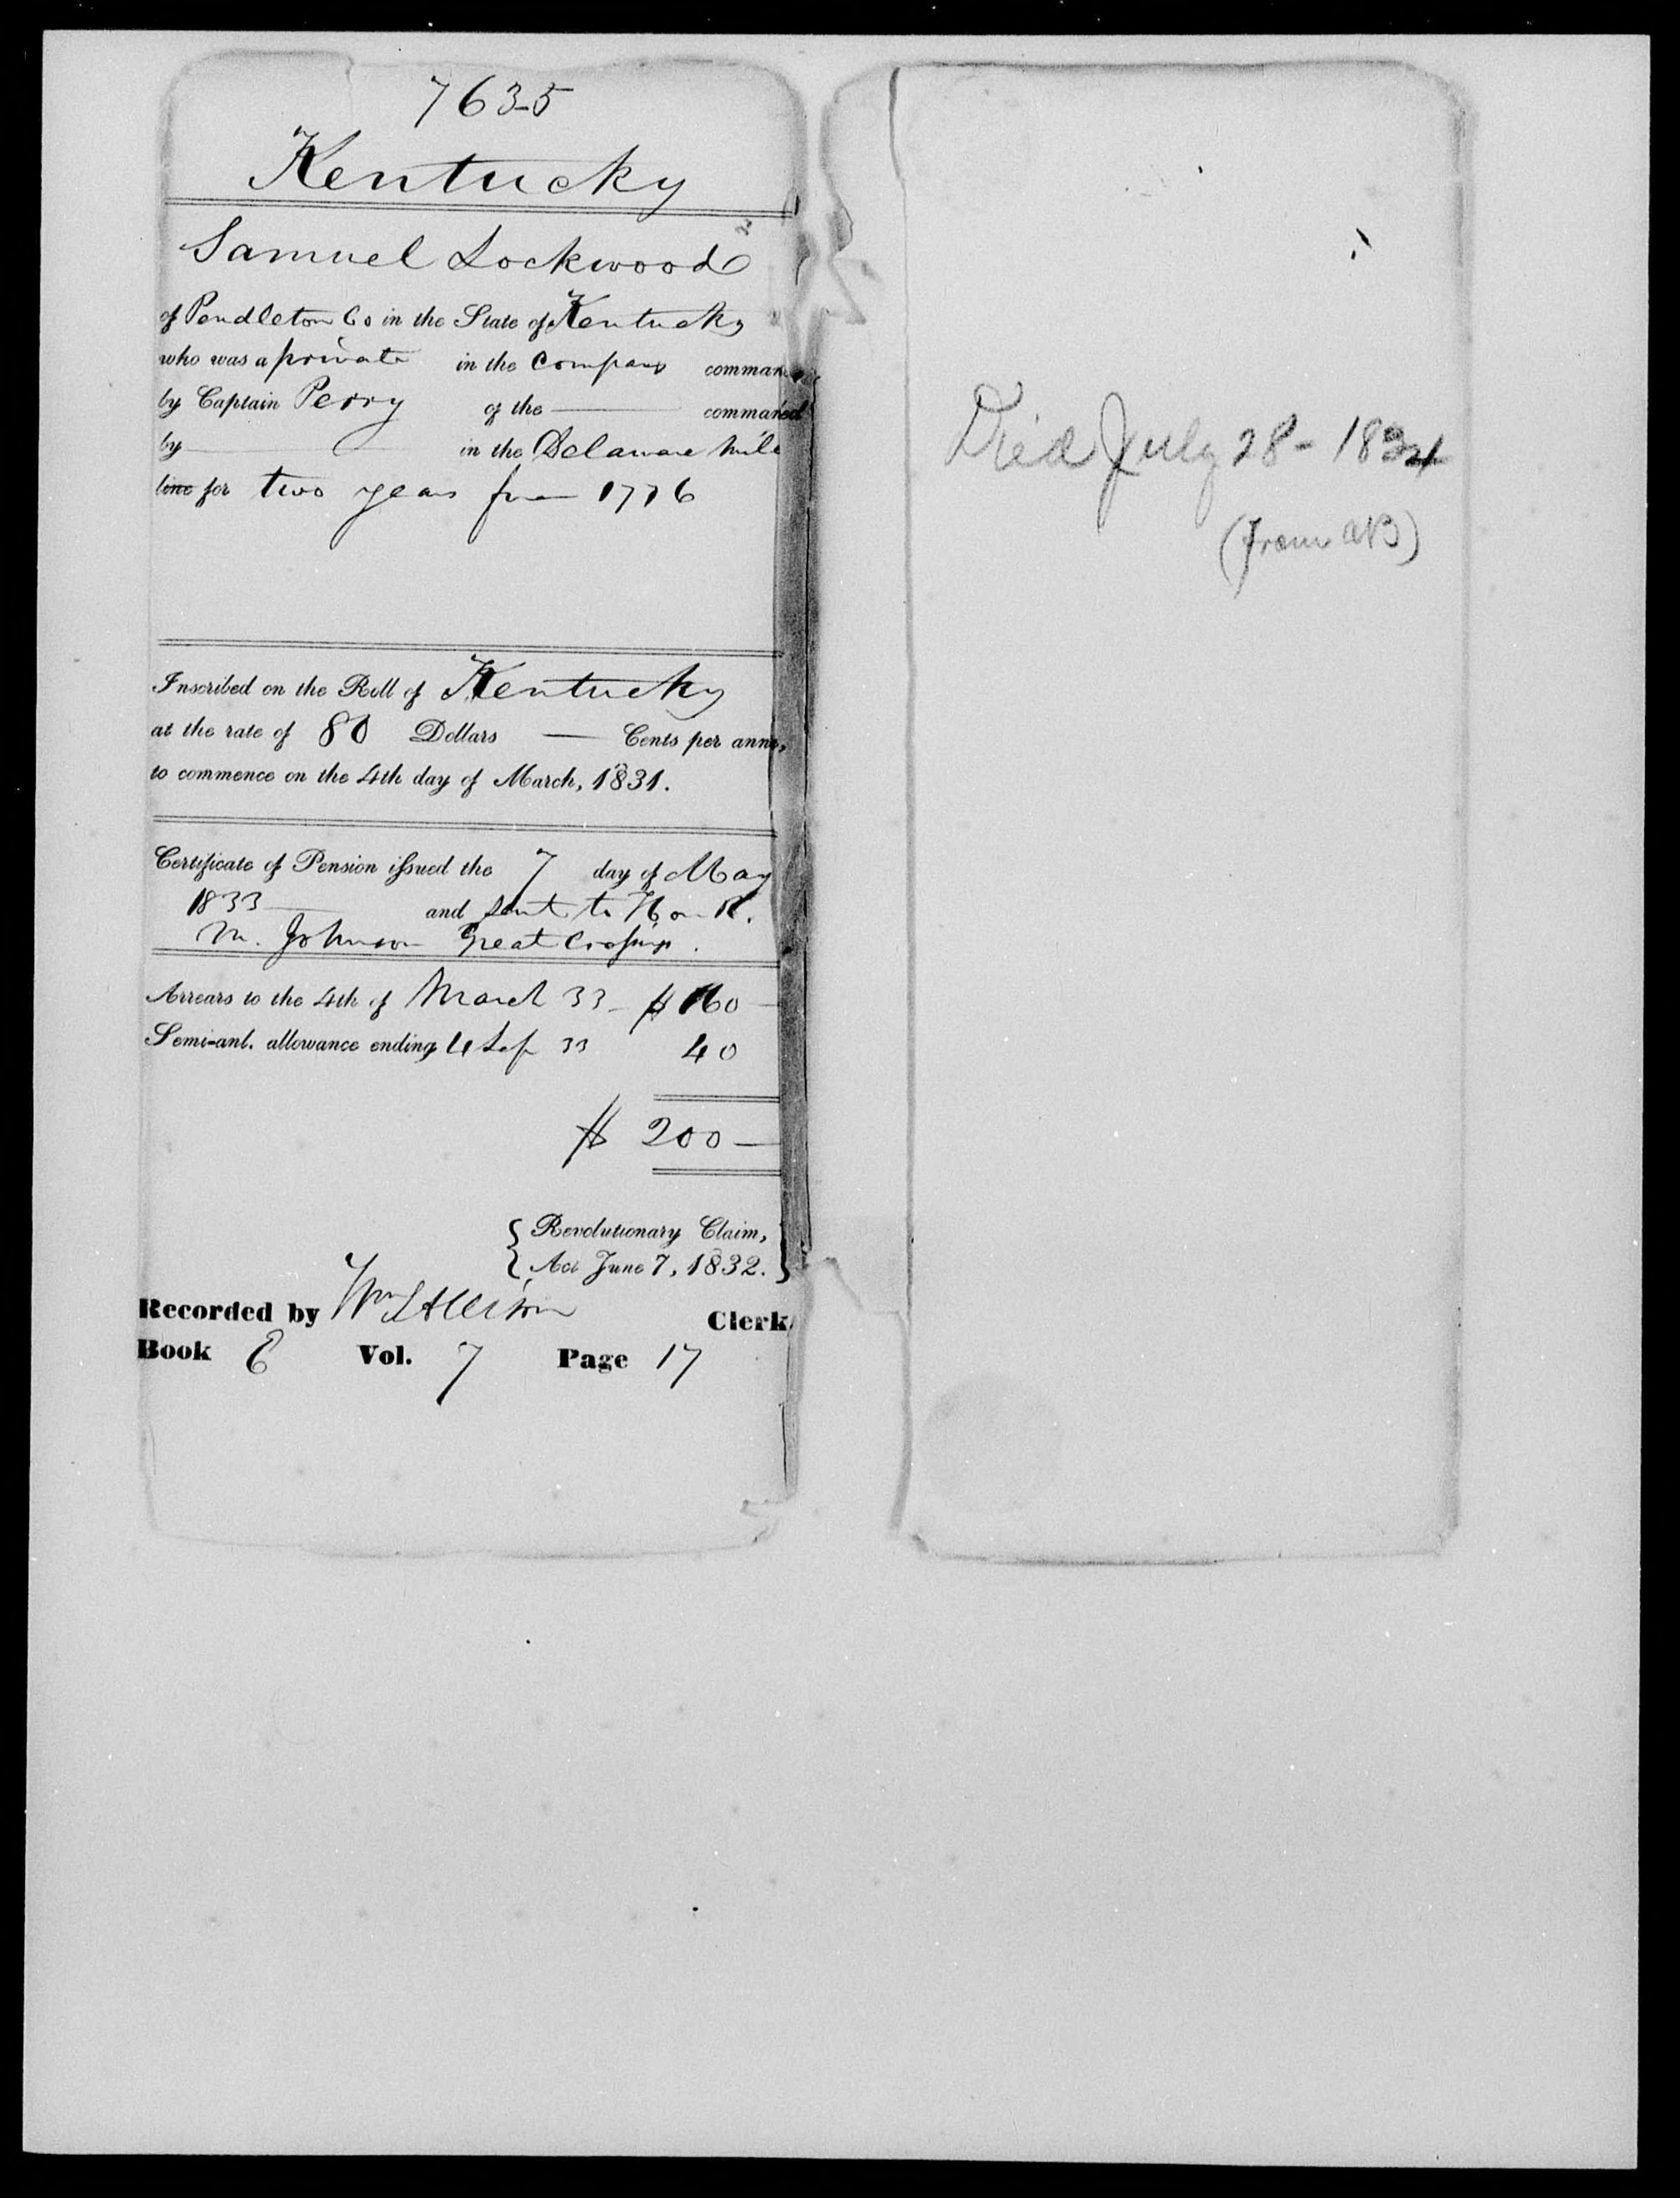763.5

Kentucky

Samuel Lockwood
Of Pendleton Co in the state of Kentucky
Who was a private in the company commanded by Captain Perry of the -commanded by - in the Delaware Militia
For two years from 1776

Inscribed on the roll of Kentucky 
At the rate of 80 dollars - cents per annum
To commence on the 4th day of March 1831

Certificate of Pension issued on the 7 day of May 1833 and sent to (unknown)
Wm Johnson  (unknown)

Arrears to teh 4th of March 33 - $160
Semi-anl. Allowances ending 4 Feb(?) 33 - 40

 $200
Revolutionary Claim Act June 7, 1832

Recorded by Wm Johnson
Book 6 Vol.7 Page 17

(On the right side)
Died July 28 - 1834
From (initials)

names: [BLANK] Perry; R M Johnson; Wm S Allison; Samuel Lockwood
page: 2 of 25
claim: survivor's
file: S. 13789, for Samuel Lockwood, Delaware